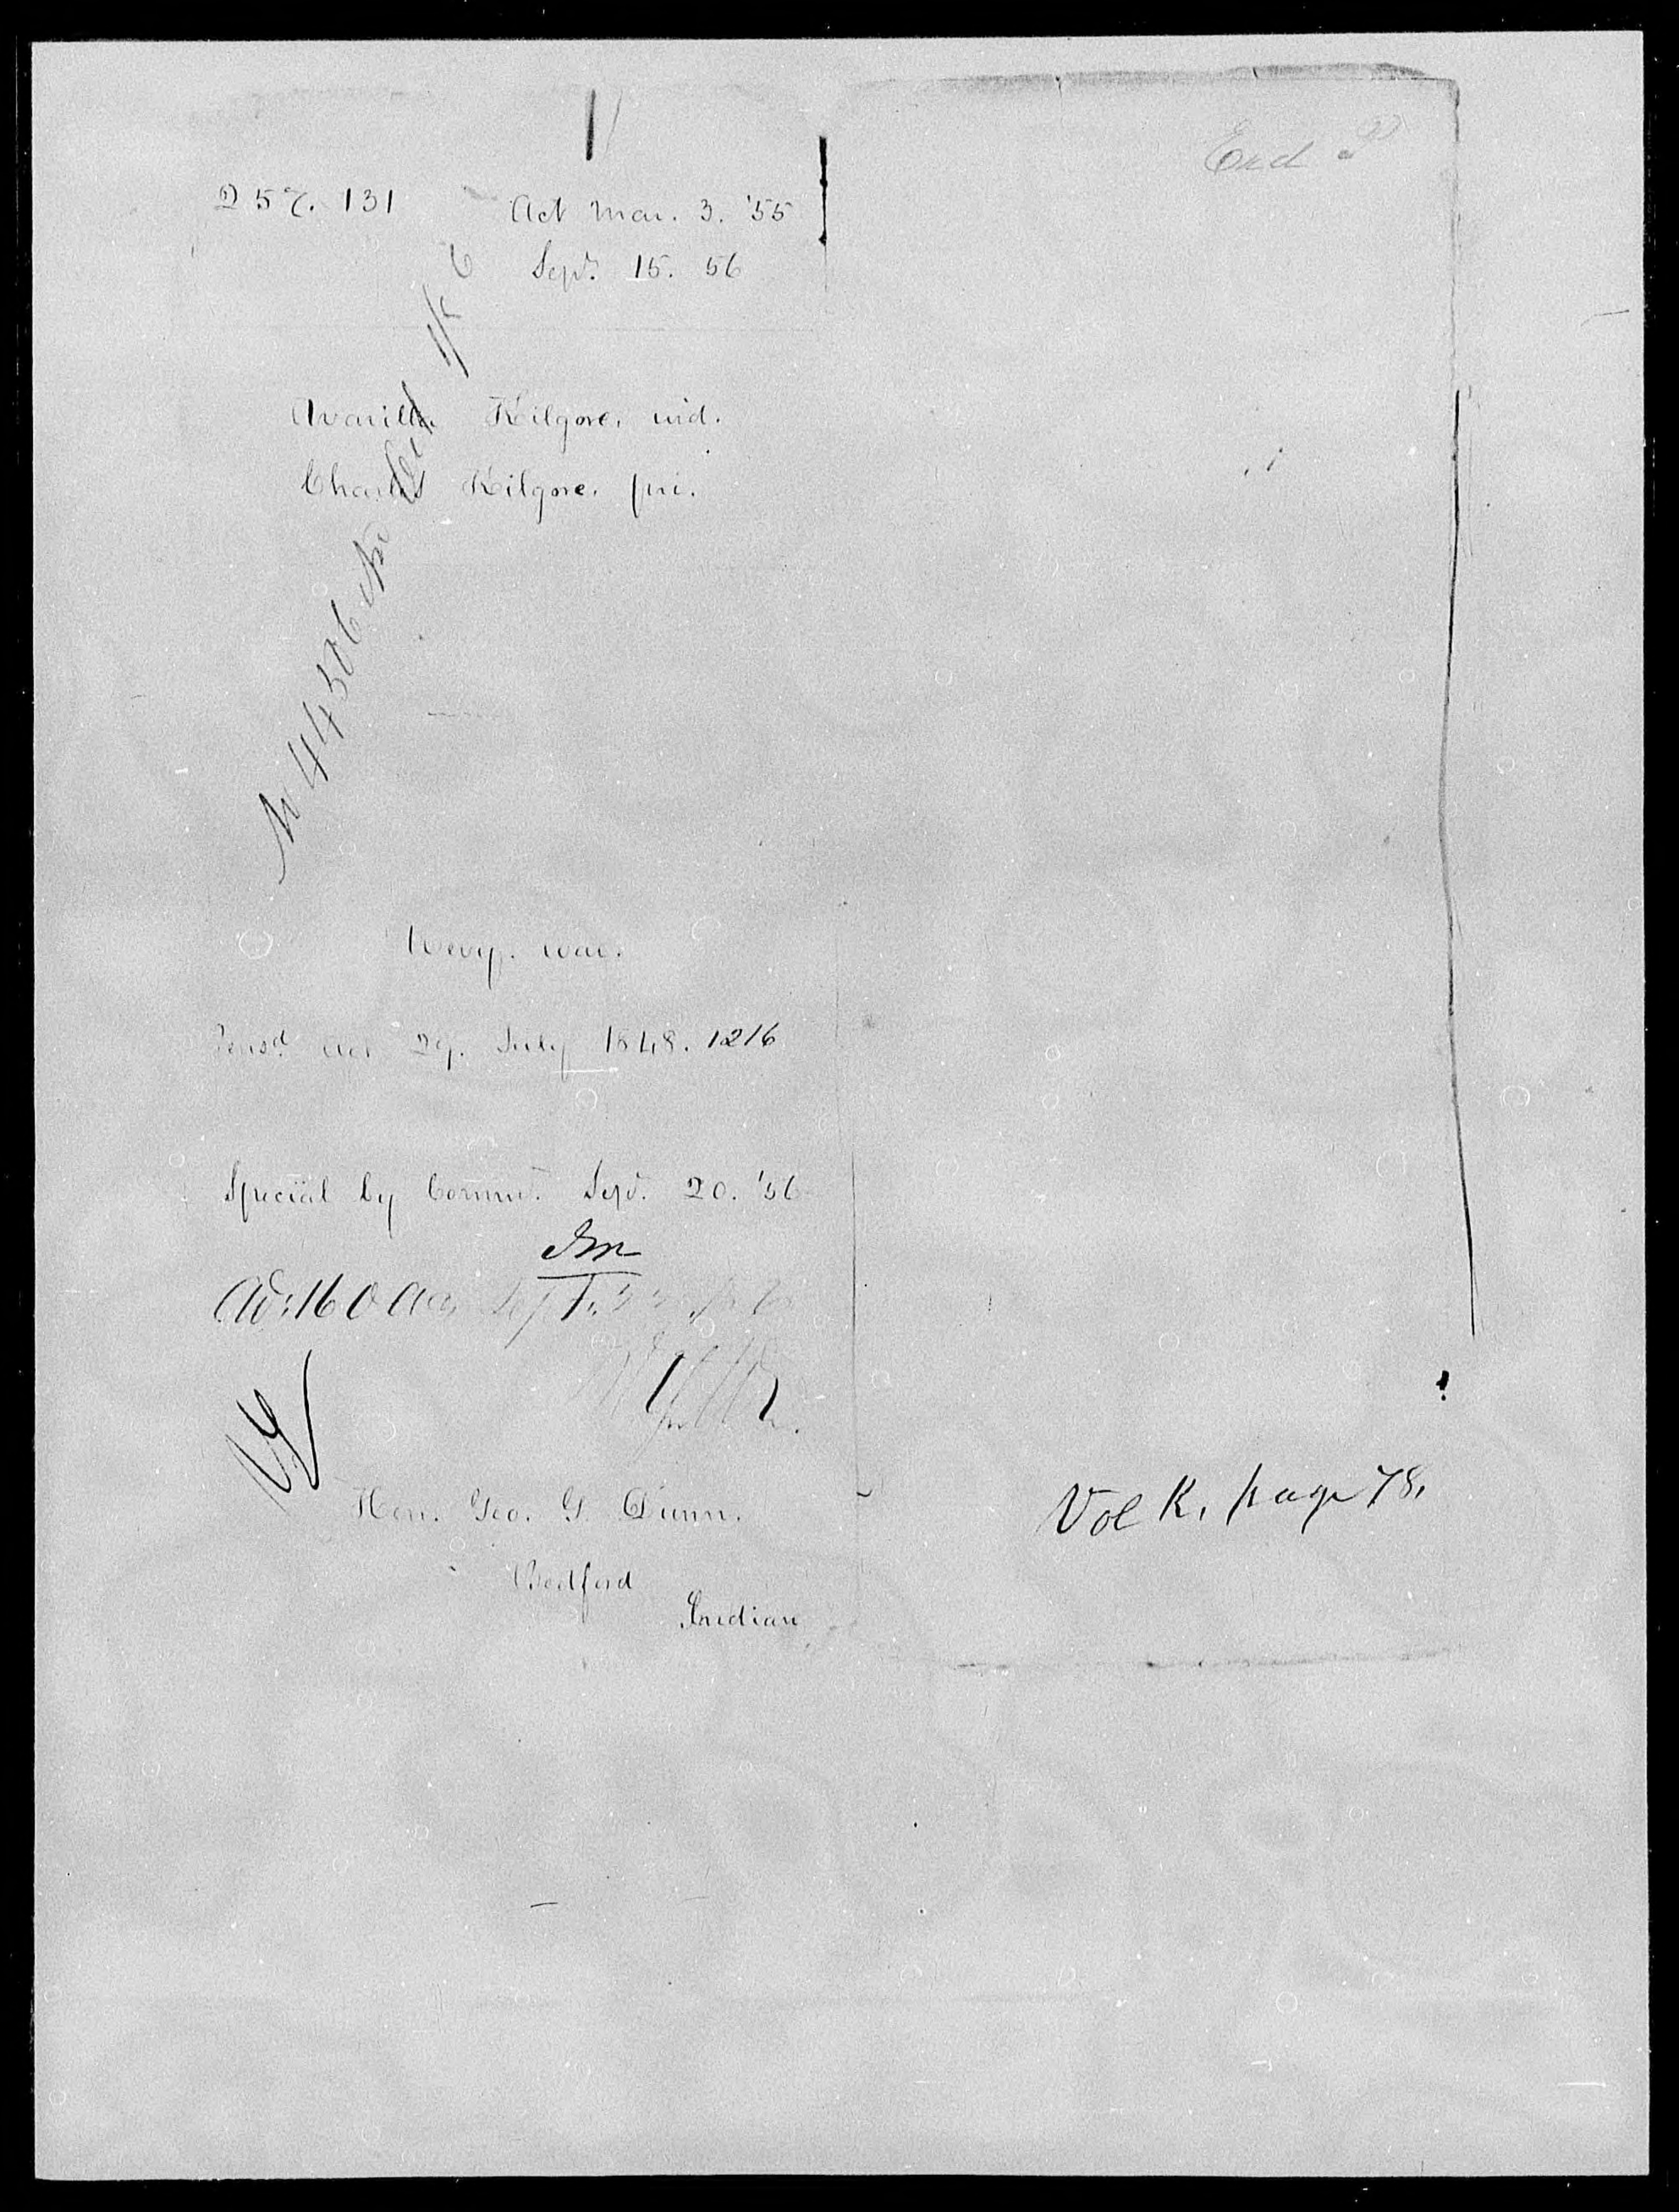257. 131 Act Mar. 3. '55
Sept. 15. 56
Avarilla Kilgore, wid.
Charles Kilgore, pri.
Revy. war.
Pensd act 29. July 1848. 1216
Special by Commr. Sept. 20. '56
JM
Ad:160Cla, Sept. 55. [illegible]
Hon. Geo. G. Dunn
Bedford Indian
Vol K. page 78.

W44506 Pd Decd 1/56
Erd P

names: Avarilla Kilgore; Geo G Dunn; [BLANK] Boynton; Charles Kilgore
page: 43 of 115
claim: survivor's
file: S. 699, for Charles Kilgore, Virginia